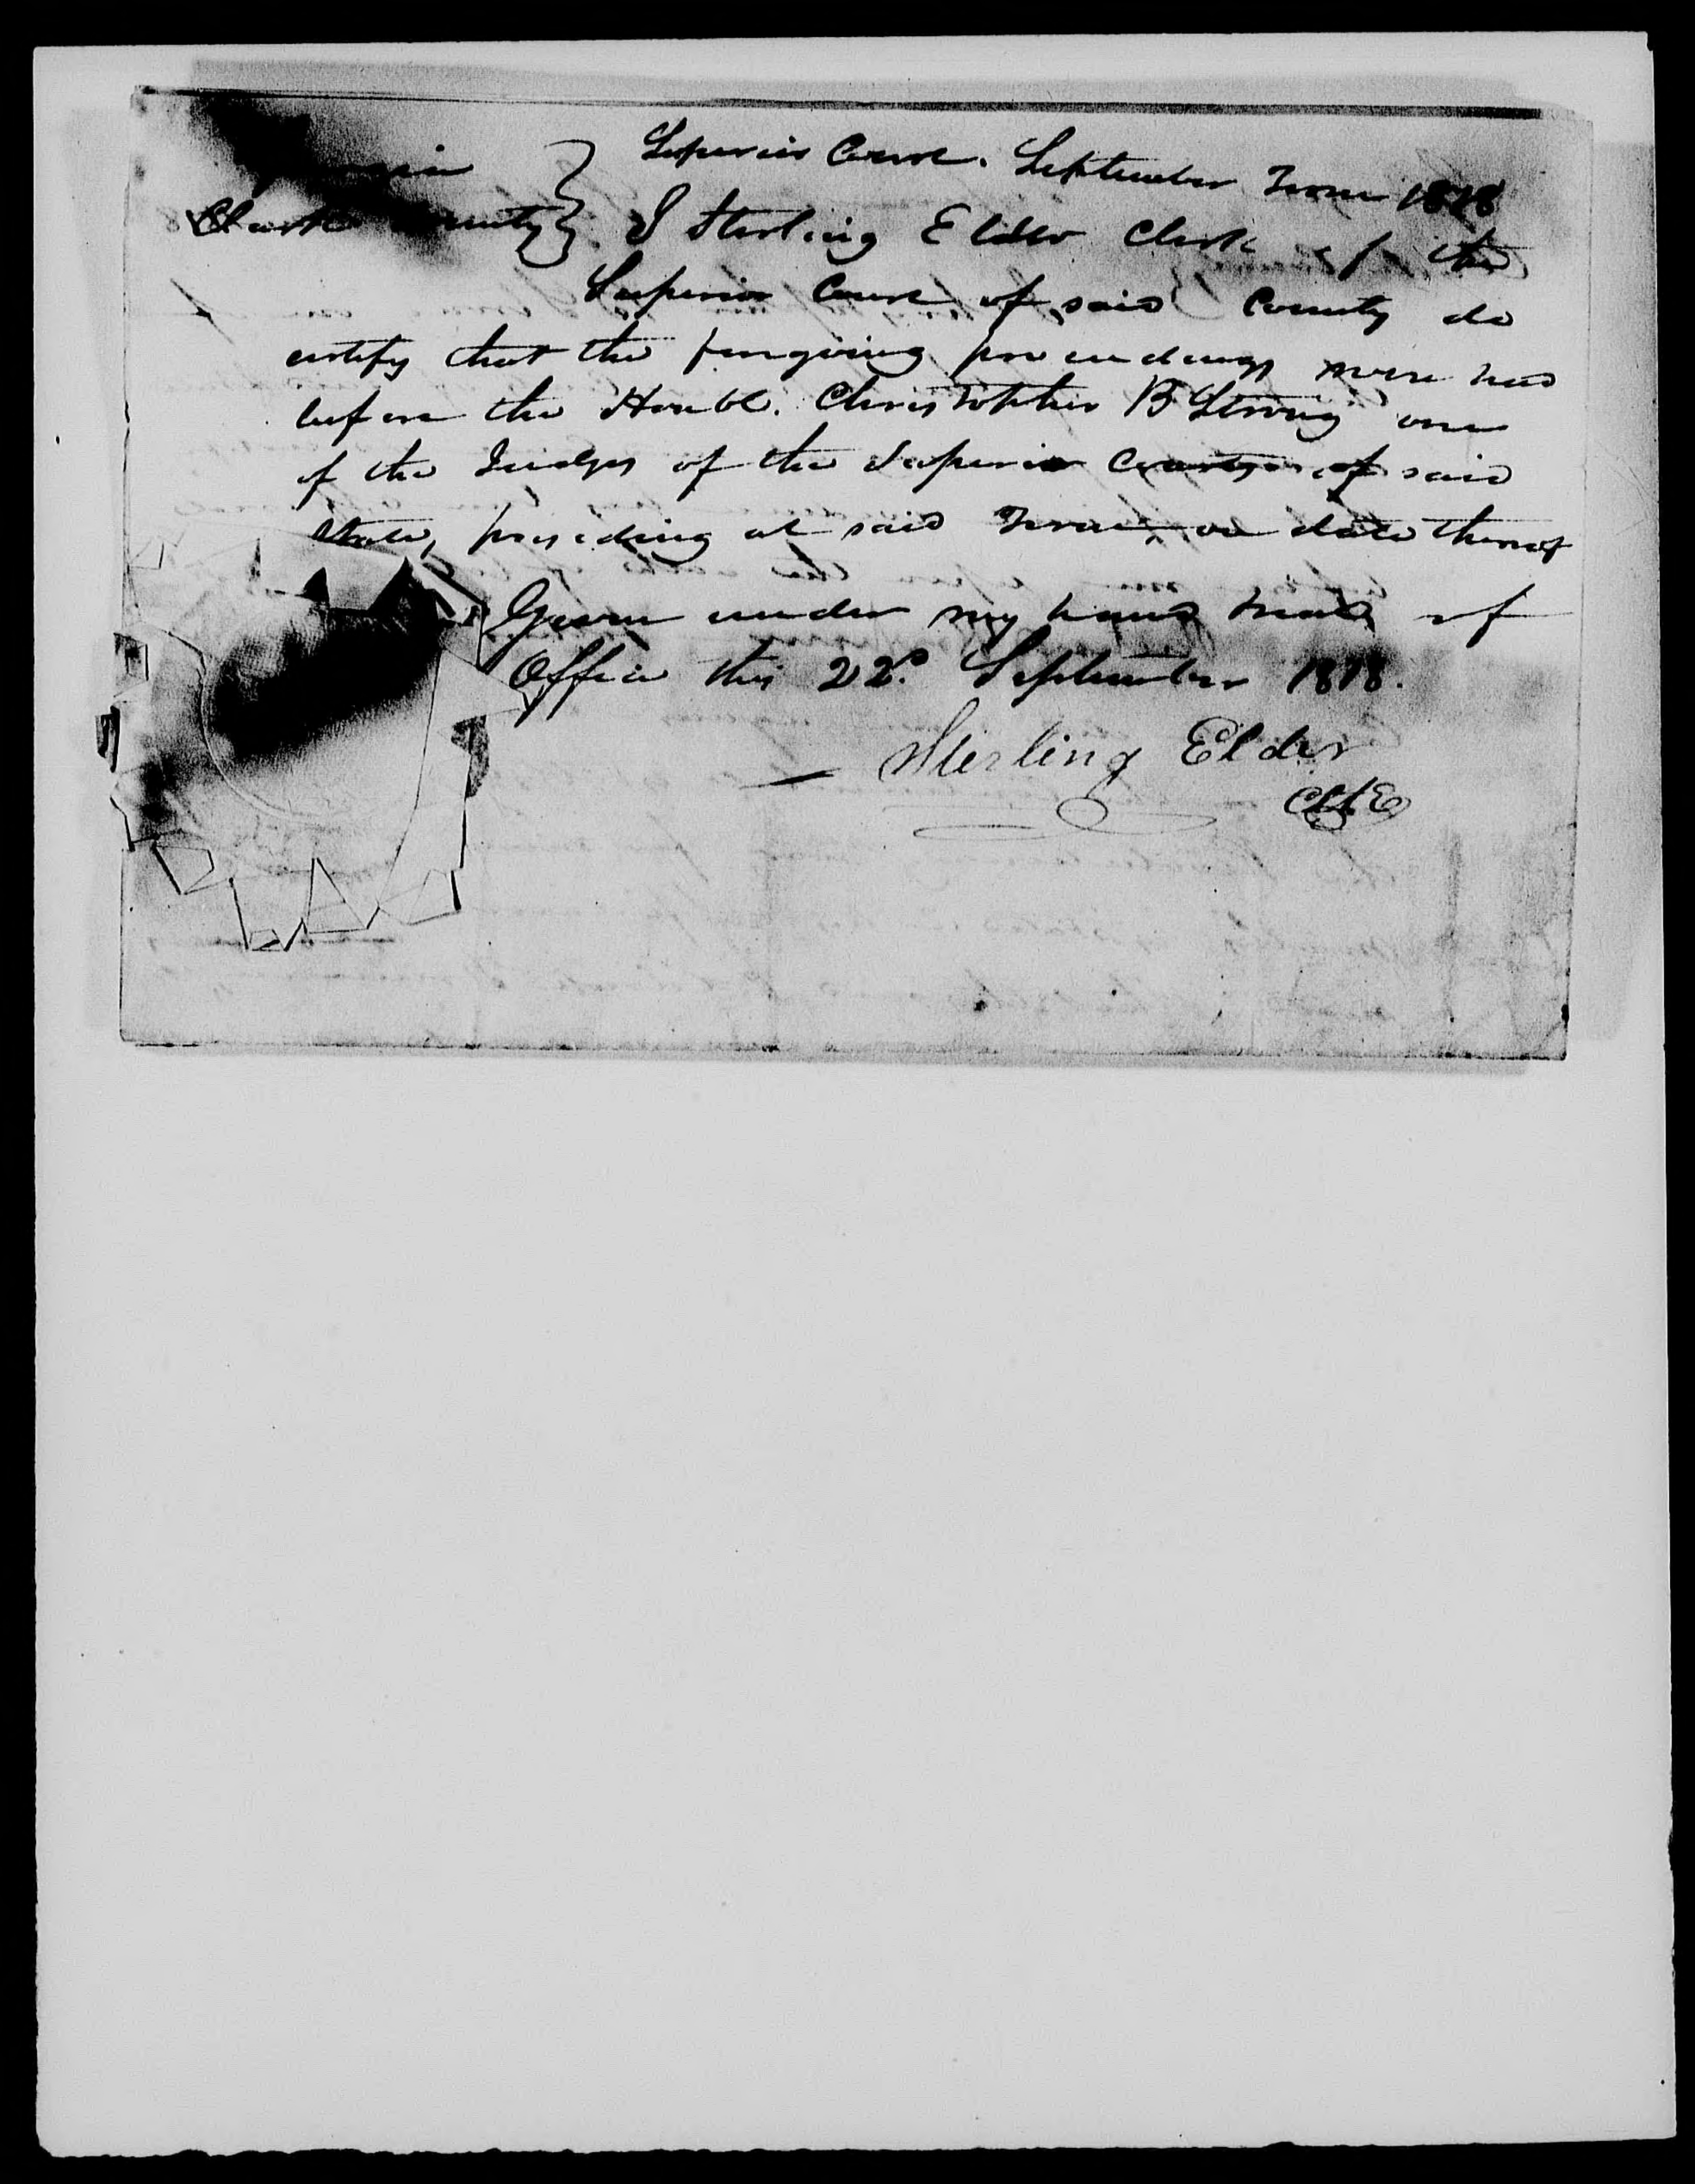Georgia
Clarke County

Superior Court. September Term 1818
I Sterling Elder clerk of the Superior Court of said County do certify that the foregoing proceedings  were had before the Honble. Christopher B. Young one of the Judges of the Superior Courts of said state, presiding at said Term and dates thereof

Given under my hand hand of Office this 22d. of September 1818.
Sterling Elder
Clk Esq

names: Sterling Elder, Freeman, Christopher B Strong, Sterling Elder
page: 7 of 15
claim: survivor's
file: S. 37,941, Coldrup Freeman, Va.